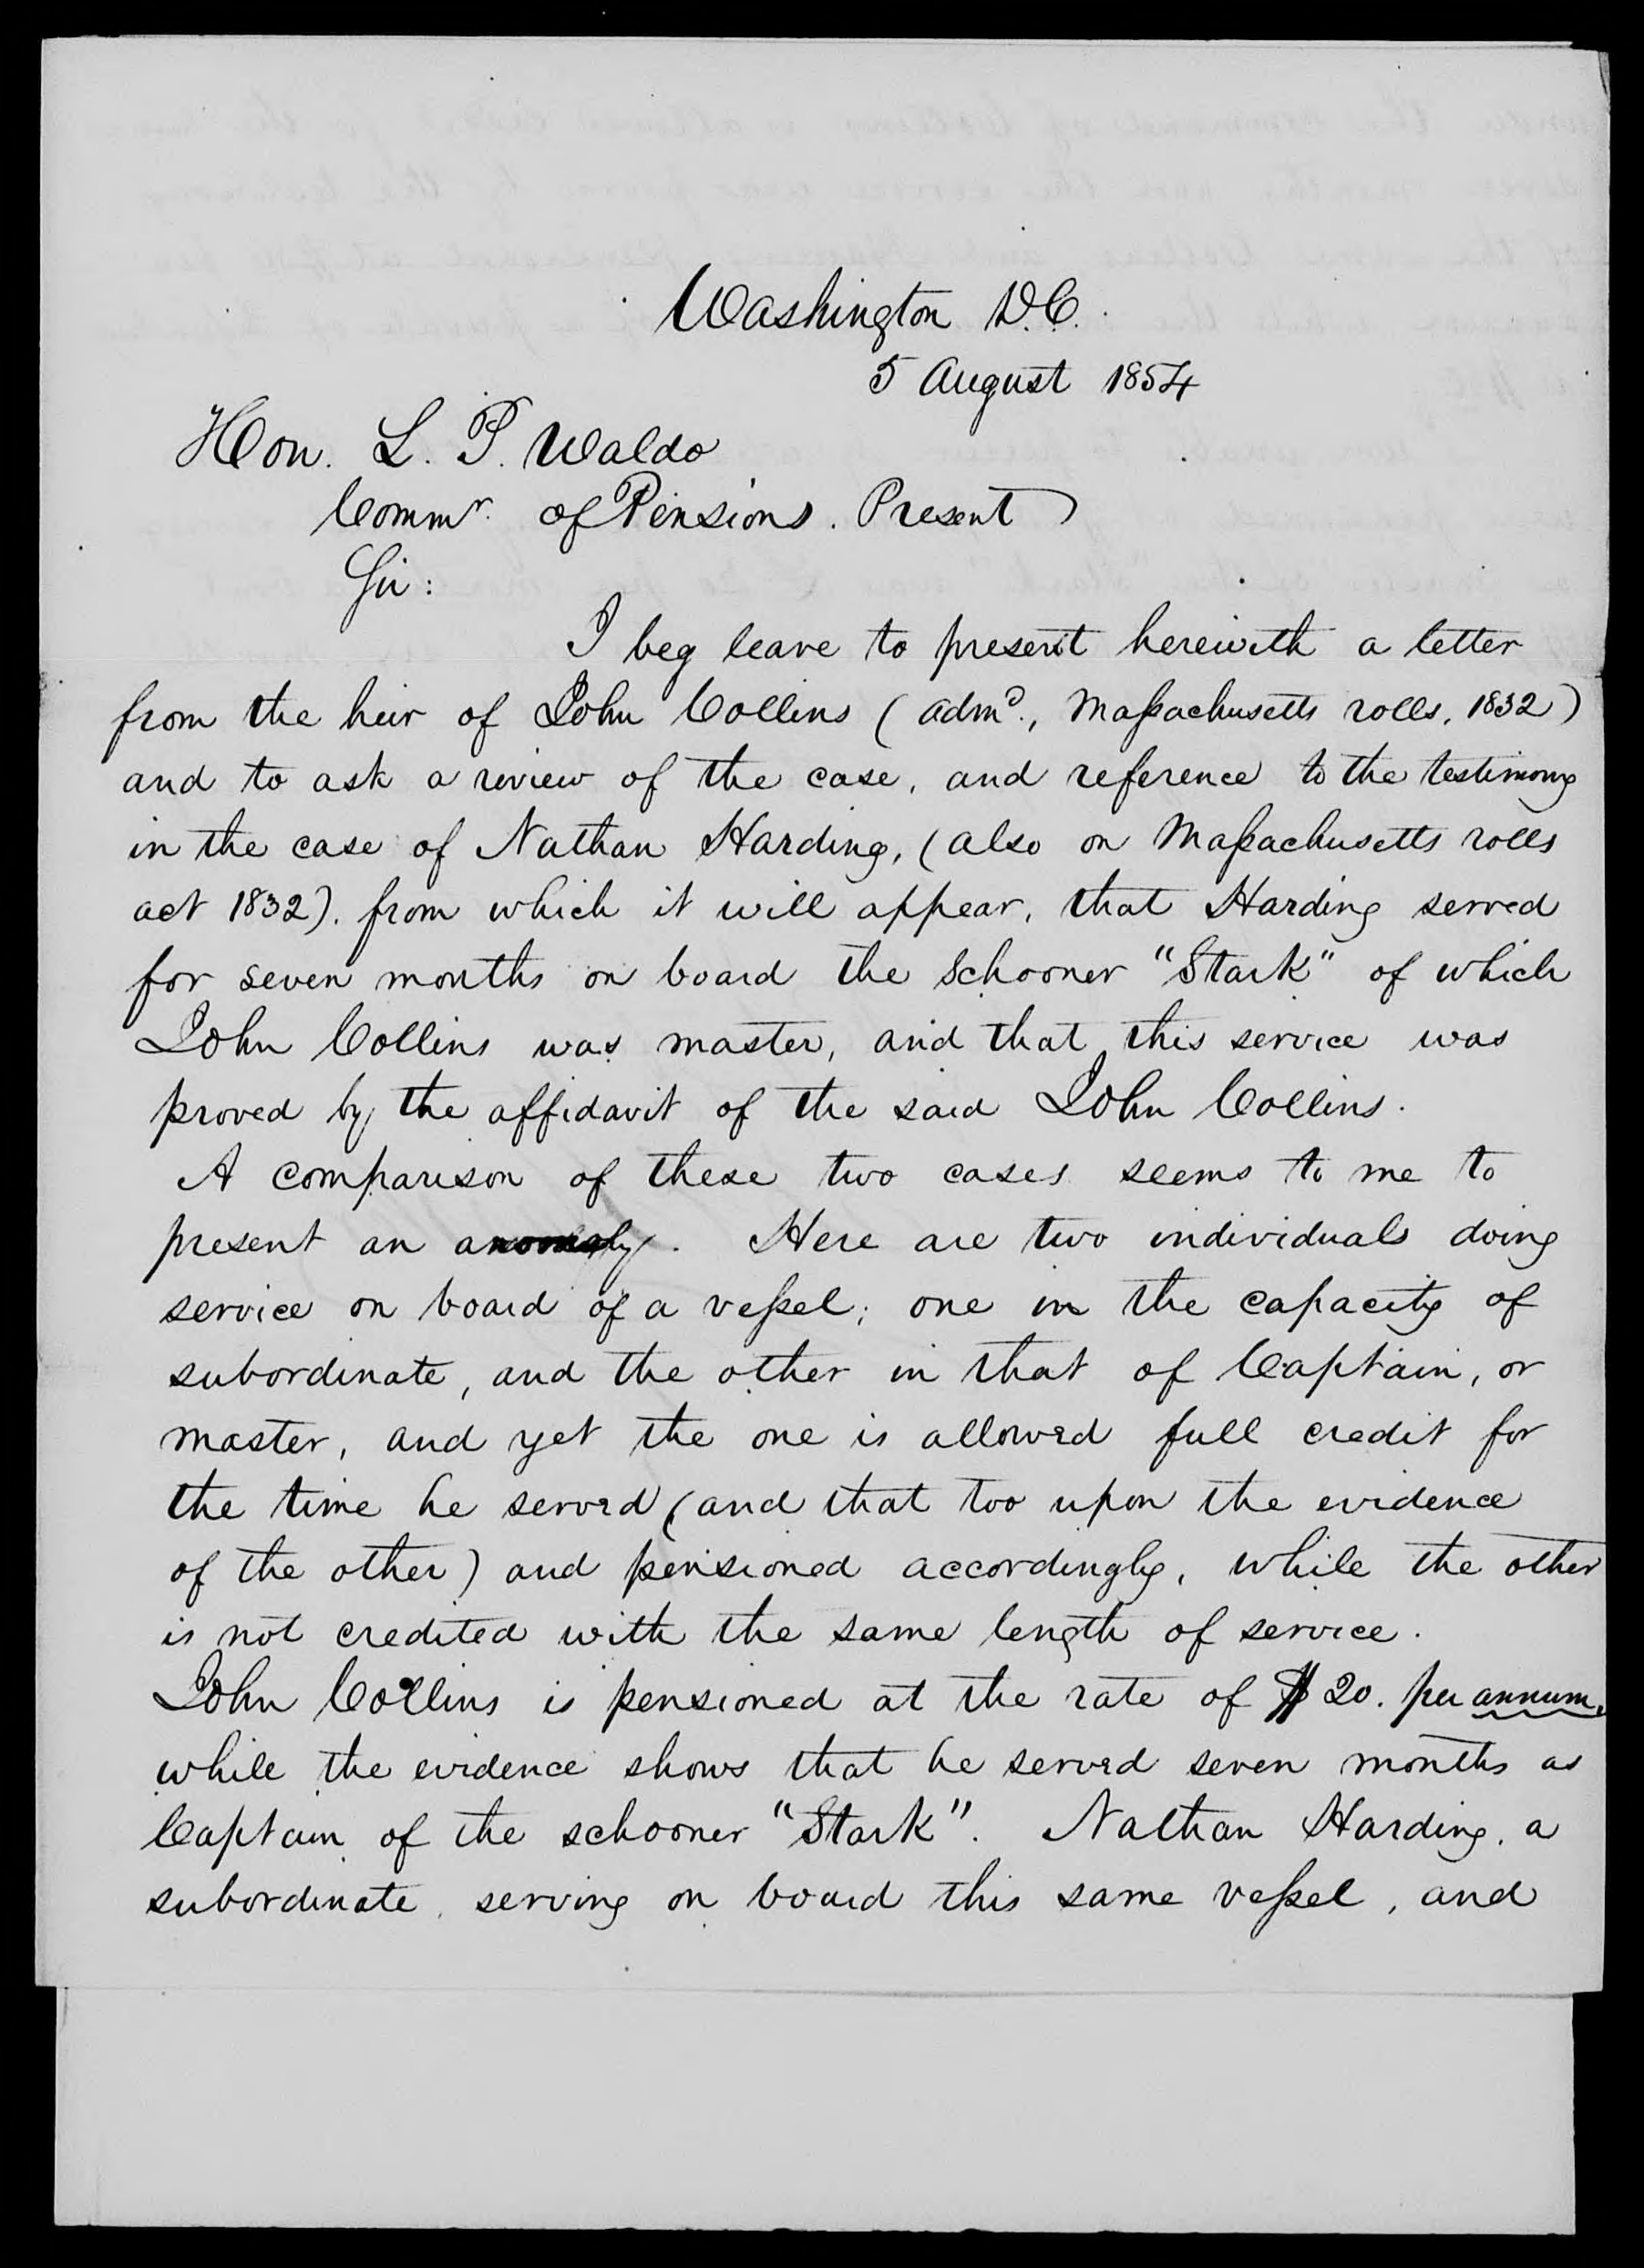Washington D.C. 
5 August 1854 
Hon. L. P. Waldo Commr of Pensions. Present 

Sir: I beg leave to present herewith a letter from the heir of John Collins (admd, Massachusetts Rolls, 1832) and to ask a review of the case, and reference to the testimony in the case of Nathan Harding, (also on Massachusetts Rolls act 1832) from which it will appear that Harding served for seven months on board the Schooner "Stark" of which John Collins was master, and that this service was proved by the affidavit of the said John Collins. 

A comparison of these two cases seems to me to present an anomaly. Here are two individuals doing service on board of a vessel, one in the capacity of subordinate, and the other in that of Captain, or master, and yet the one is allowed full credit for the time he served (and that too upon the evidence of the other) and pensioned accordingly, while the other is not credited with the same length of service. 

John Collins is pensioned at the rate of $20 per annum, while the evidence shows that he served seven months as Captain of the schooner "Stark" Nathan Harding a subordinate, serving on board this same vessel, and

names: John Collins, John Collins, L P Waldo, Harding, John Collins, John Collins, Nathan Harding, Nathan Harding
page: 25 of 43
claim: survivor's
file: S. 29,732, John Collins, Mass. Navy